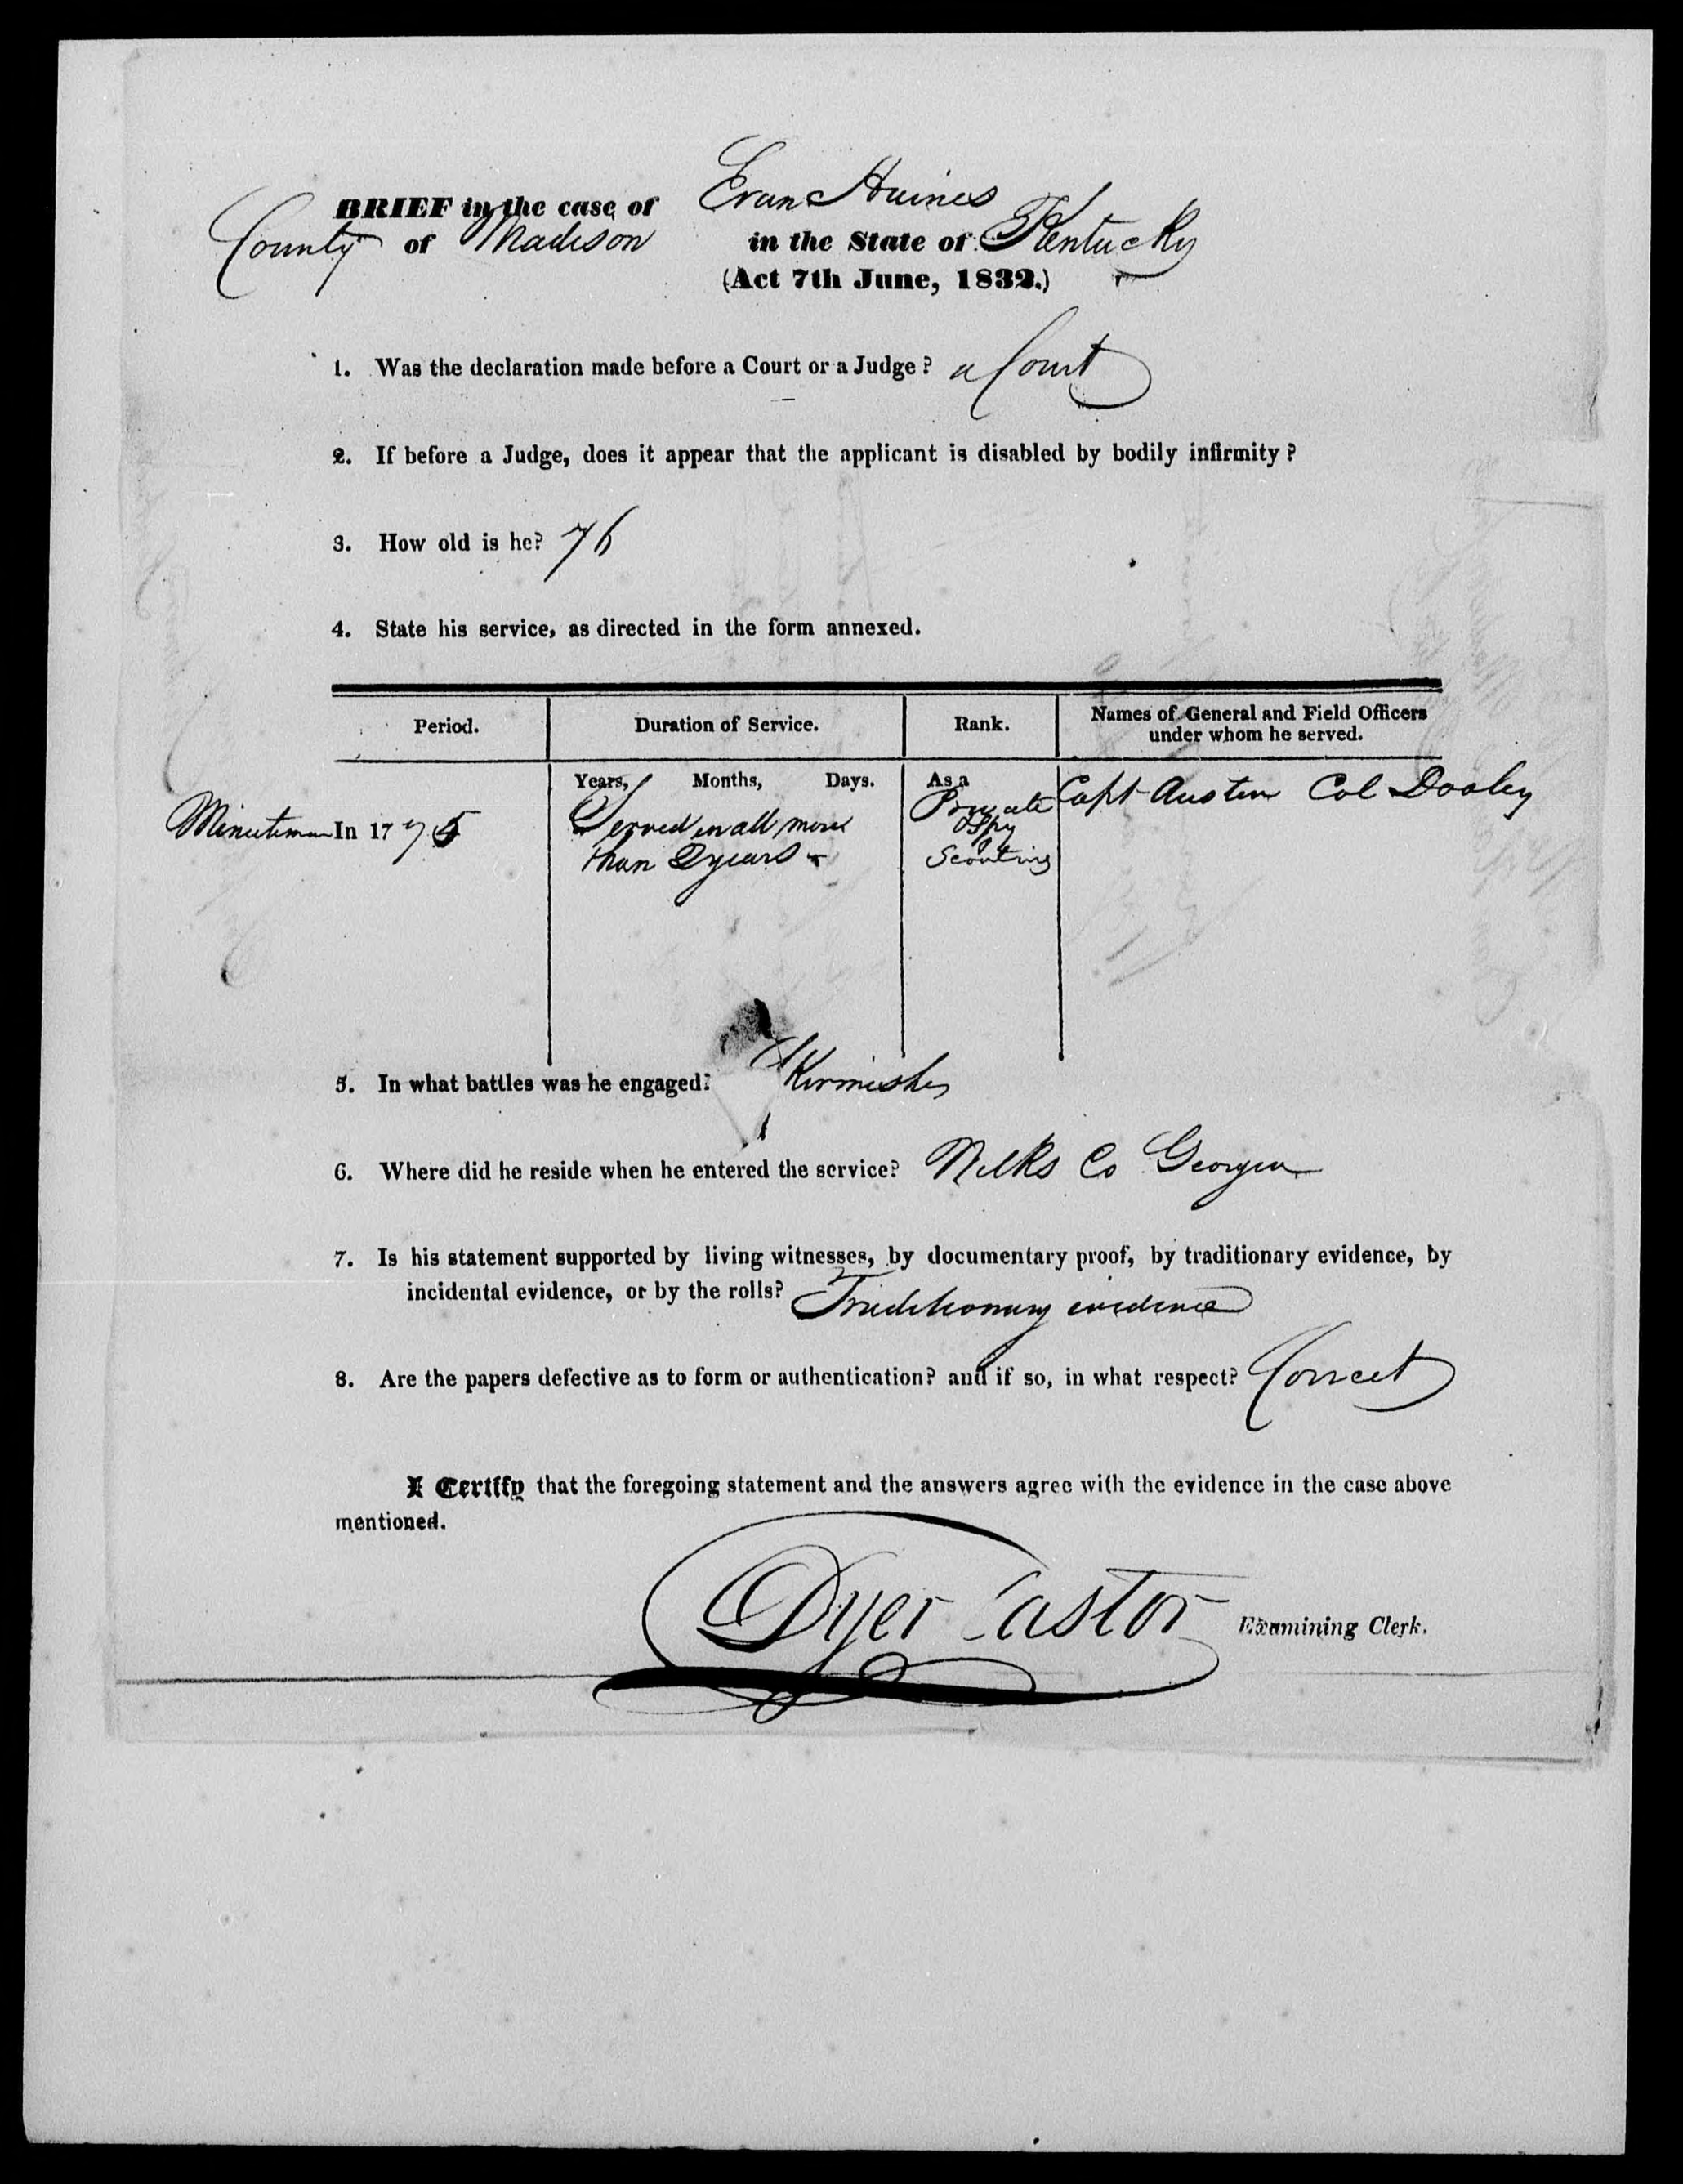BRIEF in the case of Evan Haines County of Madison in the State of Kentucky (Act 7th June 1832)

1. Was the declaration made before a Court or a Judge?  A Court

2. If before a Judge, does it appear that the applicant is disabled by bodily infirmity?

3. How old is he? 76

4. State his service, as directed in the form annexed.

Period- Minuteman in 1775

Duration of Service- Served in all more than 2 years

Rank- As a Private, spy and scouting

Names of General and Field Officers under whom he served- Capt. Austin Col. Dooley

5. In what battles was he engaged? (paper damaged) skirmishes

6. Where did he reside when he entered the service? Wilks Co Georgia

7. In his statement supported by living witnesses, by documentary proof, by traditionary evidence,  by incidental evidence, or by the rolls?  Traditionary Evidence

8. Are the papers defective as to form or authentication? and if so, in what respect? (correct)

Certify that the foregoing statement and the answers agree with the evidence in the case above mentioned.

Dyer Castor Examining Clerk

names: Evan Haines, Dooley, Dyer Castor, Austin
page: 18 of 34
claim: widow's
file: W. 8897, Evan Haines, Ga